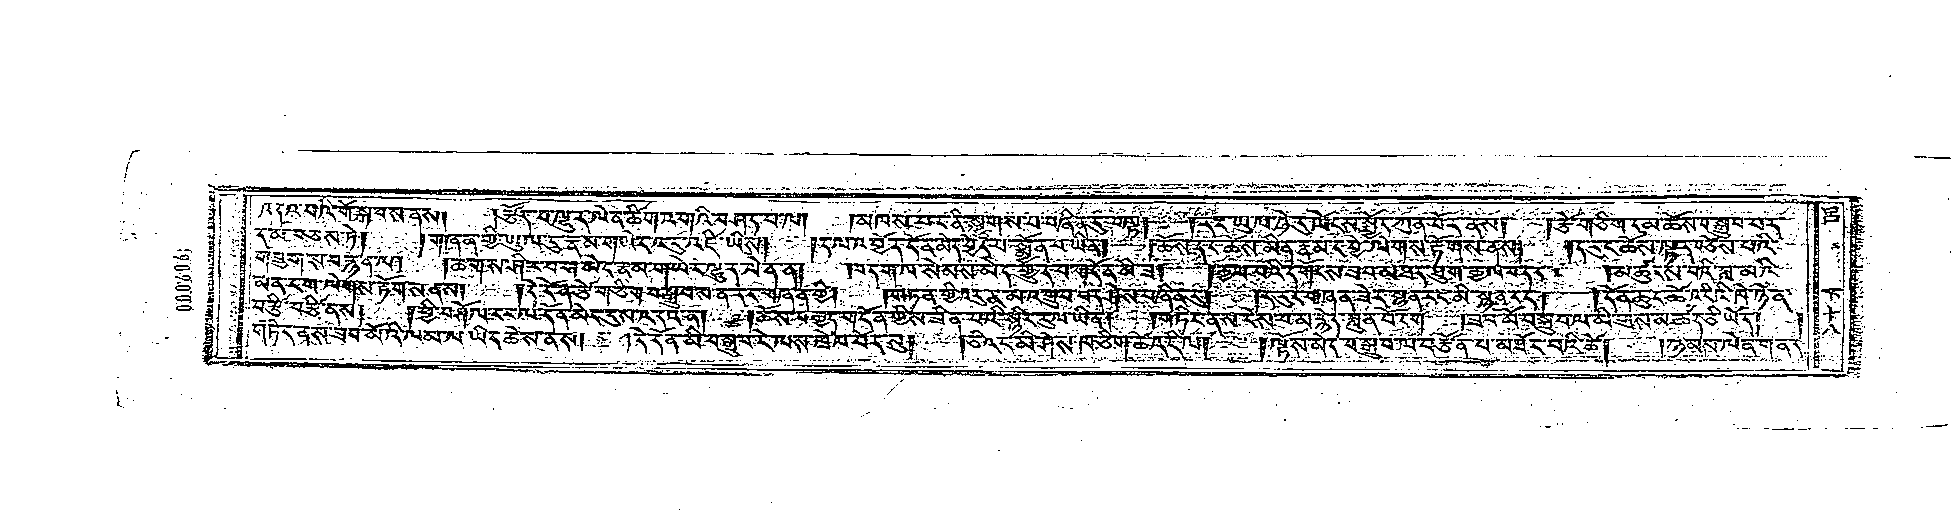འདའ་བའི་གོ་སྐབས་ནས། །རྩོད་བ་ལྷུར་ལེན་ཚིག་འགའི་བཤད་བ་ལ། །མཁས་པ་ང་ནི་སྐྱུགས་པ་བཞིན་དུ་བལྟ། །རང་ཡུལ་ཉེ་དུ་ལོངས་སྤྱོད་ཀུན་བོར་ནས། །རྩེ་གཅིག་དམ་ཆོས་བསྒྲུབ་པར་
དམ་བཅས་ཏེ། །གཞན་གྱི་ཡུལ་དུ་རྣམ་གཡེང་འདུ་འཛི་ཡིས། །དལ་འབྱོར་དོན་མེད་བྱེད་པ་སྨྱོན་པ་ཡིན། །ཆོས་དང་ཆོས་མིན་རྣམ་དབྱེ་ལེགས་རྟོགས་ནས། །ད་དུང་ཆོས་ལྟར་བཅས་པའི་
གཟུགས་བརྙན་ལ། །ཆགས་ཤིང་བག་མེད་རྣམ་གཡེང་ལྷུར་ལེན་ན། །བདག་ལ་སེམས་མེད་གྱུར་བ་གདོན་མི་ཟ། །རྒྱལ་བའི་དགོངས་ཟབ་མཐར་ཐུག་རྒྱལ་བ་དང་། །མཚུངས་པའི་བླ་མའི་
མན་ངག་ལེགས་རྟོགས་ནས། །དེ་དོན་རྩེ་གཅིག་བསྒྲུབས་ན་རང་གཞན་གྱི། །གཏན་གྱི་འདུན་མ་འགྲུབ་པར་ཤེས་བཞིན་དུ། །ད་དུང་གཞན་ཟེར་སྙན་ངང་མི་སྙན་དང་། །དོན་ཆུང་ཚེ་འདིའི་ཁེ་ཉེན་
བརྩི་བརྩི་ནས། །ཕྱི་བཤོལ་དང་ལ་དོན་མེད་དུས་འདའ་ན། །ཆོས་བརྒྱད་གདོན་གྱིས་ཟིན་པའི་སྙིང་དུ་ལ་ཡིན། །གཏིང་ནས་ངེས་བ་མ་རྙེད་བླུན་བོ་ངག །ཟབ་མོ་བསྒྲུབ་ལ་མི་གུས་མཚར་ཅི་ཡོད། །
གཏིང་ནས་ཟབ་མོའི་ལམ་ལ་ཡིད་ཆེས་ནས། །དེ་དོན་མི་བསྒྲུབ་དེ་ལས་ཁྲེལ་བོར་སུ། །ཅིའང་མི་ཤེས་ཁ་ཅིག་ཚེ་འདི་ལ། །ལྟོས་མེད་བ་སྒྲུབ་ལ་བརྩོན་པ་མཐོང་བའི་ཚེ། །ཉམས་ལེན་གནད་